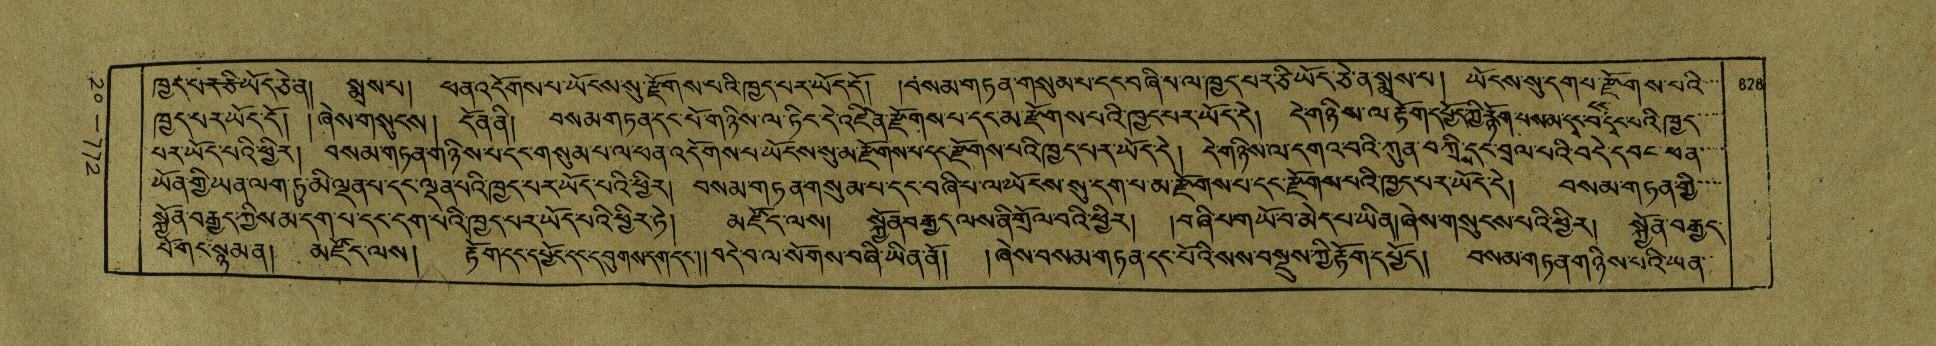ཁྱད་པར་ཅི་ཡོད་ཅེ་ན། སྨྲས་པ། ཕན་འདོགས་པ་ཡོངས་སུ་རྫོགས་པའི་ཁྱད་པར་ཡོད་དོ། །བསམ་གཏན་གསུམ་པ་དང་བཞི་པ་ལ་ཁྱད་པར་ཅི་ཡོད་ཅེ་ན་སྨྲས་པ། ཡོངས་སུ་དག་པ་རྫོགས་པའི་
ཁྱད་པར་ཡོད་དོ། །ཞེས་གསུངས། དོན་ནི། བསམ་གཏན་དང་པོ་གཉིས་ལ་ཏིང་ངེ་འཛིན་རྫོགས་པ་དང་མ་རྫོགས་པའི་ཁྱད་པར་ཡོད་དེ། དེ་གཉིས་ལ་རྟོག་དཔྱོད་ཀྱི་རྙོག་པས་མ་དང་བ་དྭང་པའི་ཁྱད་
པར་ཡོད་པའི་ཕྱིར། བསམ་གཏན་གཉིས་པ་དང་གསུམ་པ་ལ་ཕན་འདོགས་པ་ཡོངས་སུ་མ་རྫོགས་པ་དང་རྫོགས་པའི་ཁྱད་པར་ཡོད་དེ། དེ་གཉིས་ལ་དགའ་བའི་ཀུན་བཀྲིས་དང་བྲལ་པའི་བདེ་དབང་ཕན་
ཡོན་གྱི་ཡན་ལག་ཏུ་མི་ལྡན་པ་དང་ལྡན་པའི་ཁྱད་པར་ཡོད་པའི་ཕྱིར། བསམ་གཏན་གསུམ་པ་དང་བཞི་པ་ལ་ཡོངས་སུ་དག་པ་མ་རྫོགས་པ་དང་རྫོགས་པའི་ཁྱད་པར་ཡོད་དེ། བསམ་གཏན་གྱི་
སྐྱོན་བརྒྱད་ཀྱིས་མ་དག་པ་དང་དག་པའི་ཁྱད་པར་ཡོད་པའི་ཕྱིར་ཏེ། མཛོད་ལས། སྐྱོན་བརྒྱད་ལས་ནི་གྲོལ་བའི་ཕྱིར། །བཞི་པ་གཡོ་བ་མེད་པ་ཡིན། ཞེས་གསུངས་པའི་ཕྱིར། སྐྱོན་བརྒྱད་
པོ་གང་སྙམ་ན། མཛོད་ལས། རྟོག་དང་སྤྱོད་དང་དབུགས་དག་དང་། །བདེ་བ་ལ་སོགས་བཞི་ཡིན་ནོ། །ཞེས་བསམ་གཏན་དང་པོའི་སས་བསྡུས་ཀྱི་རྟོག་དཔྱོད། བསམ་གཏན་གཉིས་པའི་ཡ་